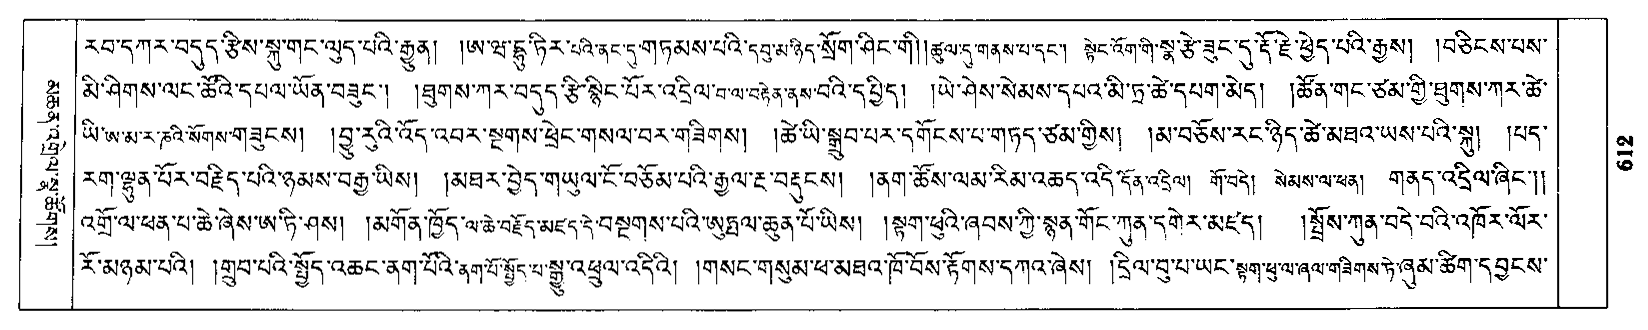།རབ་དཀར་བདུད་རྩིས་
སྐུ་གང་ལུད་པའི་རྒྱུན། །ཨ་ཝ་དྷུ་ཏཱིར་གཏམས་པའི་སྲོག་ཤིང་གི །སྣ་རྩེ་ཟུང་དུ་རྡོ་རྗེ་ཕྱེད་པའི་རྒྱས། །བཅིངས་པས་མི་ཤིགས་ལང་ཚོའི་དཔལ་ཡོན་བཟུང་། །ཐུགས་ཀར་བདུད་རྩི་སྙིང་པོར་འདྲིལ་བའི་དཔྱིད། །ཡེ་ཤེས་སེམས་དཔའ་མི་ཏྲ་ཚེ་དཔག་མེད། །ཚོན་གང་ཙཾ་་་
གྱི་ཐུགས་ཀར་ཚེ་ཡི་གཟུངས། །བྱུ་རུའི་འོད་འབར་སྔགས་ཕྲེང་གསལ་བར་གཟིགས། །ཚེ་ཡི་སྒྲུབ་པར་དགོངས་པ་གཏད་ཙམ་གྱིས། །མ་བཅོས་རང་ཉིད་ཚེ་མཐའ་ཡས་པའི་སྐུ། །པད་རག་ལྷུན་པོར་བརྗིད་པའི་ཉམས་བརྒྱ་ཡིས། །མཐར་བྱེད་གཡུལ་ངོ་བཅོམ་
པའི་རྒྱལ་རྔ་བརྡུངས། །ནག་ཚོས་ལམ་རིམ་འཆད་འདི་གནད་འདྲིལ་ཞིང་། །འགྲོ་ལ་ཕན་པ་ཆེ་ཞེས་ཨ་ཏི་ཤས། །མགོན་ཁྱོད་བསྔགས་པའི་ཨུཏྤལ་ཆུན་པོ་ཡིས། །སྟག་ཕུའི་ཞབས་ཀྱི་སྙན་གོང་ཀུན་དགེར་མཛད། །སྤྲོས་ཀུན་བདེ་བའི་འཁོར་ལོར་རོ་མཉམ་པའི། །གྲུབ་པའི་སྤྱོད་འཆང་ནག་པོའི་སྒྱུ་འཕྲུལ་འདིའི། །གསང་གསུམ་ཕ་མཐའ་ཁོ་བོས་རྟོགས་དཀའ་ཞེས། །དྲིལ་བུ་པ་ཡང་ཞུམ་ཚིག་དབྱངས་